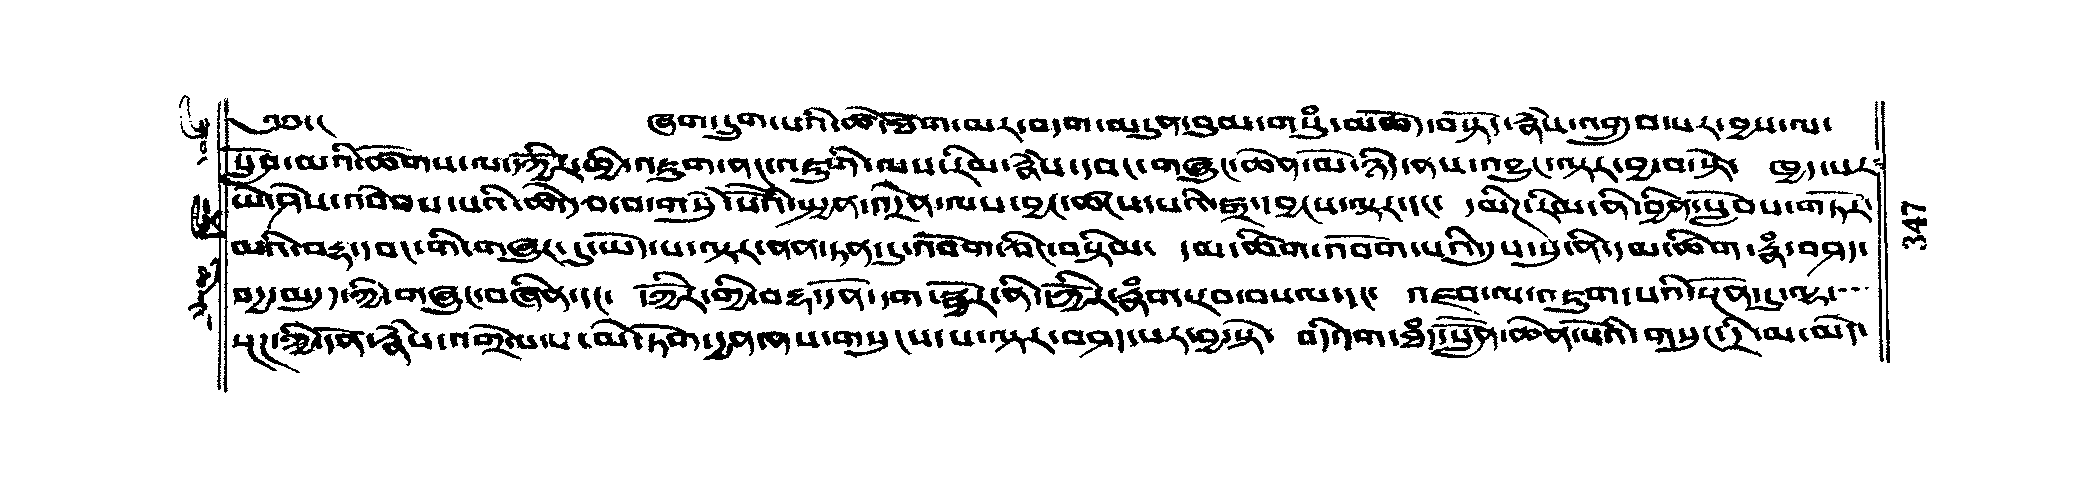ཞག་དྲུག་པའི་ཚེ་ཐོག་མར་བདག་མདུན་བུམ་གསུམ་མཆོད་བསྟོད་རྣམས་འགྲུབ་པར་བྱས་ལ། 
སློབ་མའི་ཚོགས་ལ་དཀྱིལ་འཁོར་ཕྱི་འཇུག་ནང་འཇུག་གི་ལས་རིམ་རྣམས་དབང་གཞུང་ཆེན་མོ་ཉིད་ནས་འབྱུང་ལྟར་བྱ་བ་སྟེ། ཁྱད་པར་
ཡེ་ཤེས་འབེབས་པའི་ཚེ་རྩ་བ་གསུམ་སོ་སོའི་སྤྱན་འདྲེན་ལས་བྱང་ཚངས་པའི་སྒྲ་དབྱངས་ལྟར་དང་། དམིགས་རིམ་ནི་བྱིན་སློབས་གཏེར་
མའི་བརྡའ་དབང་གི་གཞུང་དུ་ཡོད་པ་ལྟར་ནན་ཏན་དུ་འབོག་ཅིང་བསྟིམ། དམ་ཚིག་འབོག་པའི་དུས་སུ་ནི་དམ་ཚིག་རྣམ་བཤད་
བརྒྱ་མདུད་ཀྱི་གཞུང་བཞིན་དང་། དཀྱིལ་འཁོར་གྱི་བརྡ་དོན་དག་སྦྱོར་ནི་དཀྱིལ་འཁོར་རྣམ་དག་རབ་བསལ་དང་། འཛབ་ལ་འཇུག་པའི་སྔོན་དུ་ལྷ་
སྔགས་ཀྱི་དོན་རྣམས་འགྲེལ་བ་མེ་ཏོག་རྒྱན་ནས་གསུངས་པ་ལྟར་བཤད་པར་བྱ་སྟེ། འདི་དག་ཐམས་ཅད་སློབ་དཔོན་ཆེན་པོའི་གསུང་དྲི་མ་མེད་